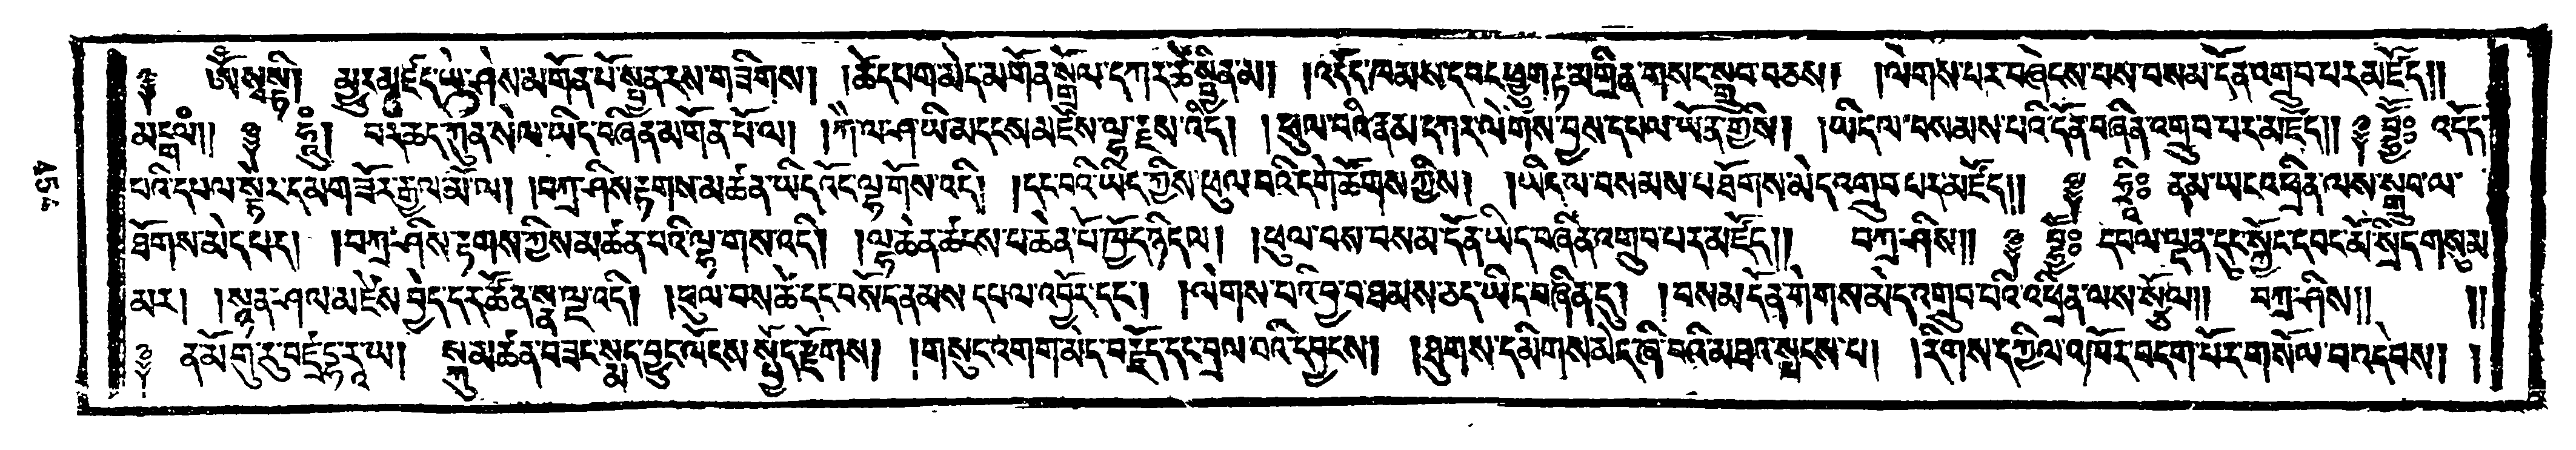༈ ཨོཾ་སྭྶྟི། མྱུར་མཛད་ཡེ་ཤེས་མགོན་པོ་སྤྱན་རས་གཟིགས། །ཚེ་དཔག་མེད་མགོན་སྒྲོལ་དཀར་ཚེ་སྦྱིན་ན་མ། །འདོད་ཁམས་དབང་ཕྱུག་རྟ་མགྲིན་གསང་སྒྲུབ་བཅས། །ལེགས་པར་བཞེངས་པས་བསམ་དོན་འགྲུབ་པར་མཛོད།།
མངྒལཾ་༈ ཧཱུཾ། བར་ཆད་ཀུན་སེལ་ཡིད་བཞིན་མགོན་པོ་ལ། །ཀཻ་ལ་ཤ་ཡི་མདངས་མཛེས་ལྷ་རྫས་འདི། །ཕུལ་བའི་རྣམ་དཀར་ལེགས་བྱས་དཔལ་ཡོ་ན་གྱིས། །ཡིད་ལ་བསམས་པའི་དོན་བཞིན་འགྲུབ་པར་མཛད།། ༈ བྷྱཽཿ འདོད་
པའི་དཔལ་ལྟར་དམ་གཟོར་རྒྱལ་མོ་ལ།། བཀྲ་སིས་རྟགས་མཚན་ཡིད་འོང་ལྷ་གོས་འདི། །དང་བའི་ཡིད་ཀྱིས་ཕུལ་བའི་དགེ་ཚོགས་ཀྱིས། །ཡིད་ལ་བསམས་པ་ཐོགས་མེད་འགྲུབ་པར་མཛོད།། ༈ ཧྲཱིཿ ན་མ་ཡང་འཕྲིན་ལས་སྒྲུབ་ལ་
ཐོགས་མེད་པར། །བཀྲ་ཤིས་རྟགས་ཀྱིས་མཚན་པའི་ལྷ་གས་འདི། །ལྷ་ཆེན་ཚངས་པ་ཆེན་པོ་ཁྱོད་ཉིད་ལ། །ཕུལ་བས་བསམ་དོན་ཡིད་བཞིན་འགྲུབ་པར་མཛོད། །བཀྲ་ཤིས།།༈ བྷྱཽཿ དཔལ་ལྡན་དུང་སྐྱོང་དབང་མོ་སྲིད་གསུམ་
མར། །སྙན་ཤལ་མཛེས་བྱེད་དར་ཚོན་སྣ་ལྔ་འདི། །ཕུལ་བས་ཚེ་དང་བསོད་ནམས་དཔལ་འབྱོར་དང་། །ལེགས་པའི་བྱ་བ་ཐམས་ཅད་ཡིད་བཞིན་དུ། །བསམ་དོན་གེགས་མེད་འགྲུབ་པའི་འཕྲིན་ལས་སྩོལ།། བཀྲ་ཤིས།། །།
༈ ན་མོ་གུ་རུ་བཛྲ་དྷ་རཱ་ཡ། སྐུ་མཚན་བཟང་སྨད་བྱུང་ལོངས་སྤྱོད་རྫོགས། །གསུང་འགག་མེད་བརྗོད་དང་བྲལ་བའི་དབྱངས། །ཐུགས་དམིགས་མེད་ཞི་བའི་མཐའ་སྤངས་པ། །རིགས་དཀྱིལ་འཁོར་བདག་པོར་གསོལ་བ་འདེབས། །